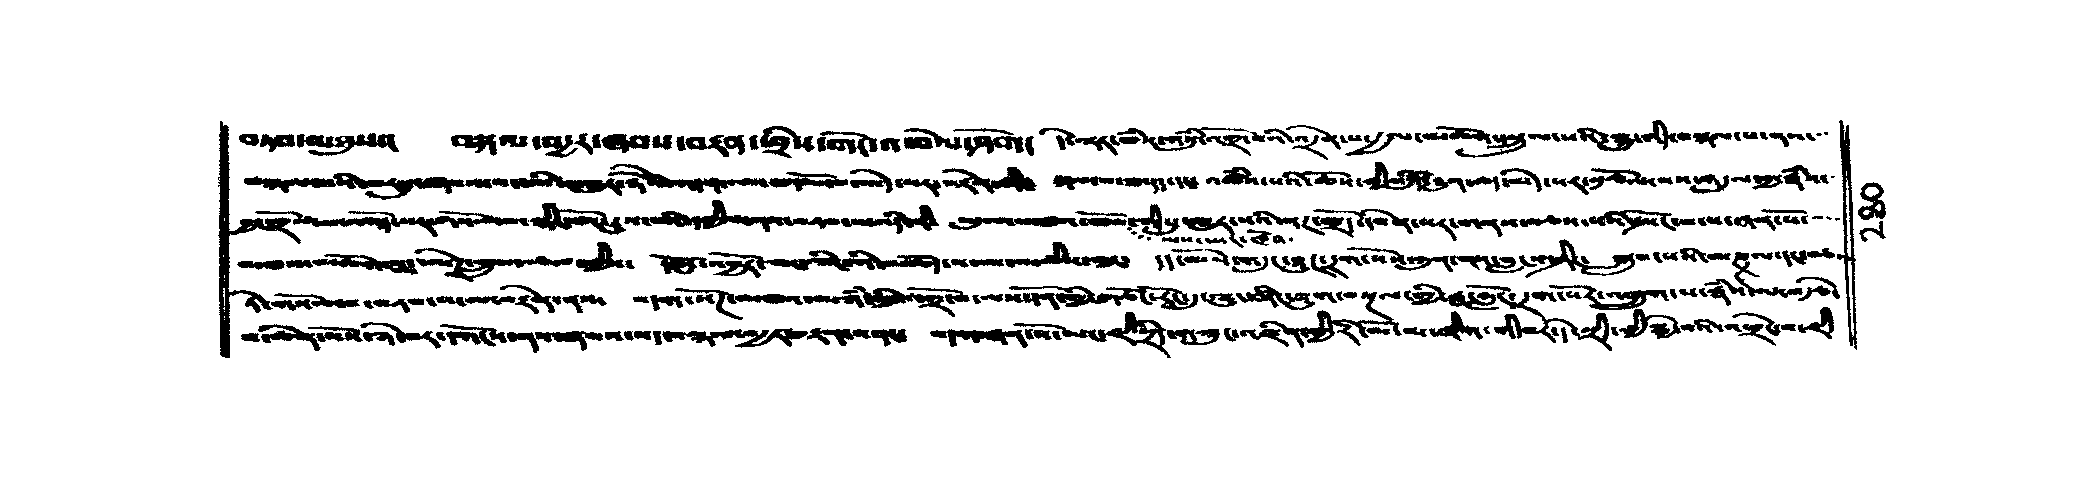བཏབ་མཐུས། །བསྐལ་བརྒྱར་ཞབས་རྟན་ཕྲིན་ལས་གོང་འཕེལ་ཤོག དེ་ལྟར་ཁམས་གསུམ་འགྲོ་བའི་འདྲེན་པ་རྒྱལ་མཆོག་སྤྲུལ་པའི་སྐུ་ཉིད་བསྐལ་པ་ནས་
བསྐལ་བའི་བར་དུ་ཞབས་པད་མི་འགྱུར་རྡོ་རྗེའི་གདན་ལ་གཡོ་བ་མེད་པར་བརྟེན་ཞིང་། སྐལ་པ་ཐ་དད་དང་འཚམས་པའི་ཆོས་ཀྱི་བདུད་རྩི་རྒྱུན་ཆད་མེད་པར་རྩོལ་བས་གདུལ་བྱ་རྣམས་
བྱང་གྲོལ་ལ་འགོད་པར་གསོལ་བ་སྙིང་ཁོང་རུས་པའི་དཀྱི་ནས་བཏབ་པ་འདི་ནི། ཡུལ་མཐའ་ཁོབ་ལས་ཡང་ཁོ་ཉིད་དུ་གྱུར་པའི་ནགས་ཁྲོད་དབེན་པར་གནས་བཅས་པའི་སྤོང་བ་པ་རྒན་པོ་
མཁས་མཆོག་པདྨ་ལེགས་གྲུབ་སྩལ་གྱིས། དངོས་འབྱོར་ཟང་ཟིང་གི་མཆོད་པ་མ་མཆིས་ཀྱང་། དད་མོས་གདུང་ཤུགས་དྲག་པོས་ཀུན་ནས་བླངས་ཤིང་། སྒྲུབ་པའི་མཎྜལ་དང་བཅས་
ཏེ་གསོལ་བ་བཏབ་པ་ལ་བརྟེན་ནས།བདག་སོགས་མཁའ་མཉམ་གྱི་འགྲོ་བ་ལས་ངན་གཅོང་རོང་དུ་ལྷུང་ཞིང་སྡུག་བསྔལ་གྱི་རྦ་ཀློང་དྲག་པོར་འཁྲུག་པ་རྣམས་ལ་བརྩེ་
བ་ཆེན་པོས་ཉེ་བར་དགོངས་ནས་ཞབས་པད་བསྐལ་བརྒྱར་བརྟནཔ་དང་། བདག་རྒན་པོ་ཡང་ཇི་སྲིད་གཟུང་འཛིན་གྱི་རི་མོ་མ་ཞིག་གི་བར་དེ་སྲིད་ཀྱི་སྐྱེ་བའི་འཕྲེང་བ་ཇི་